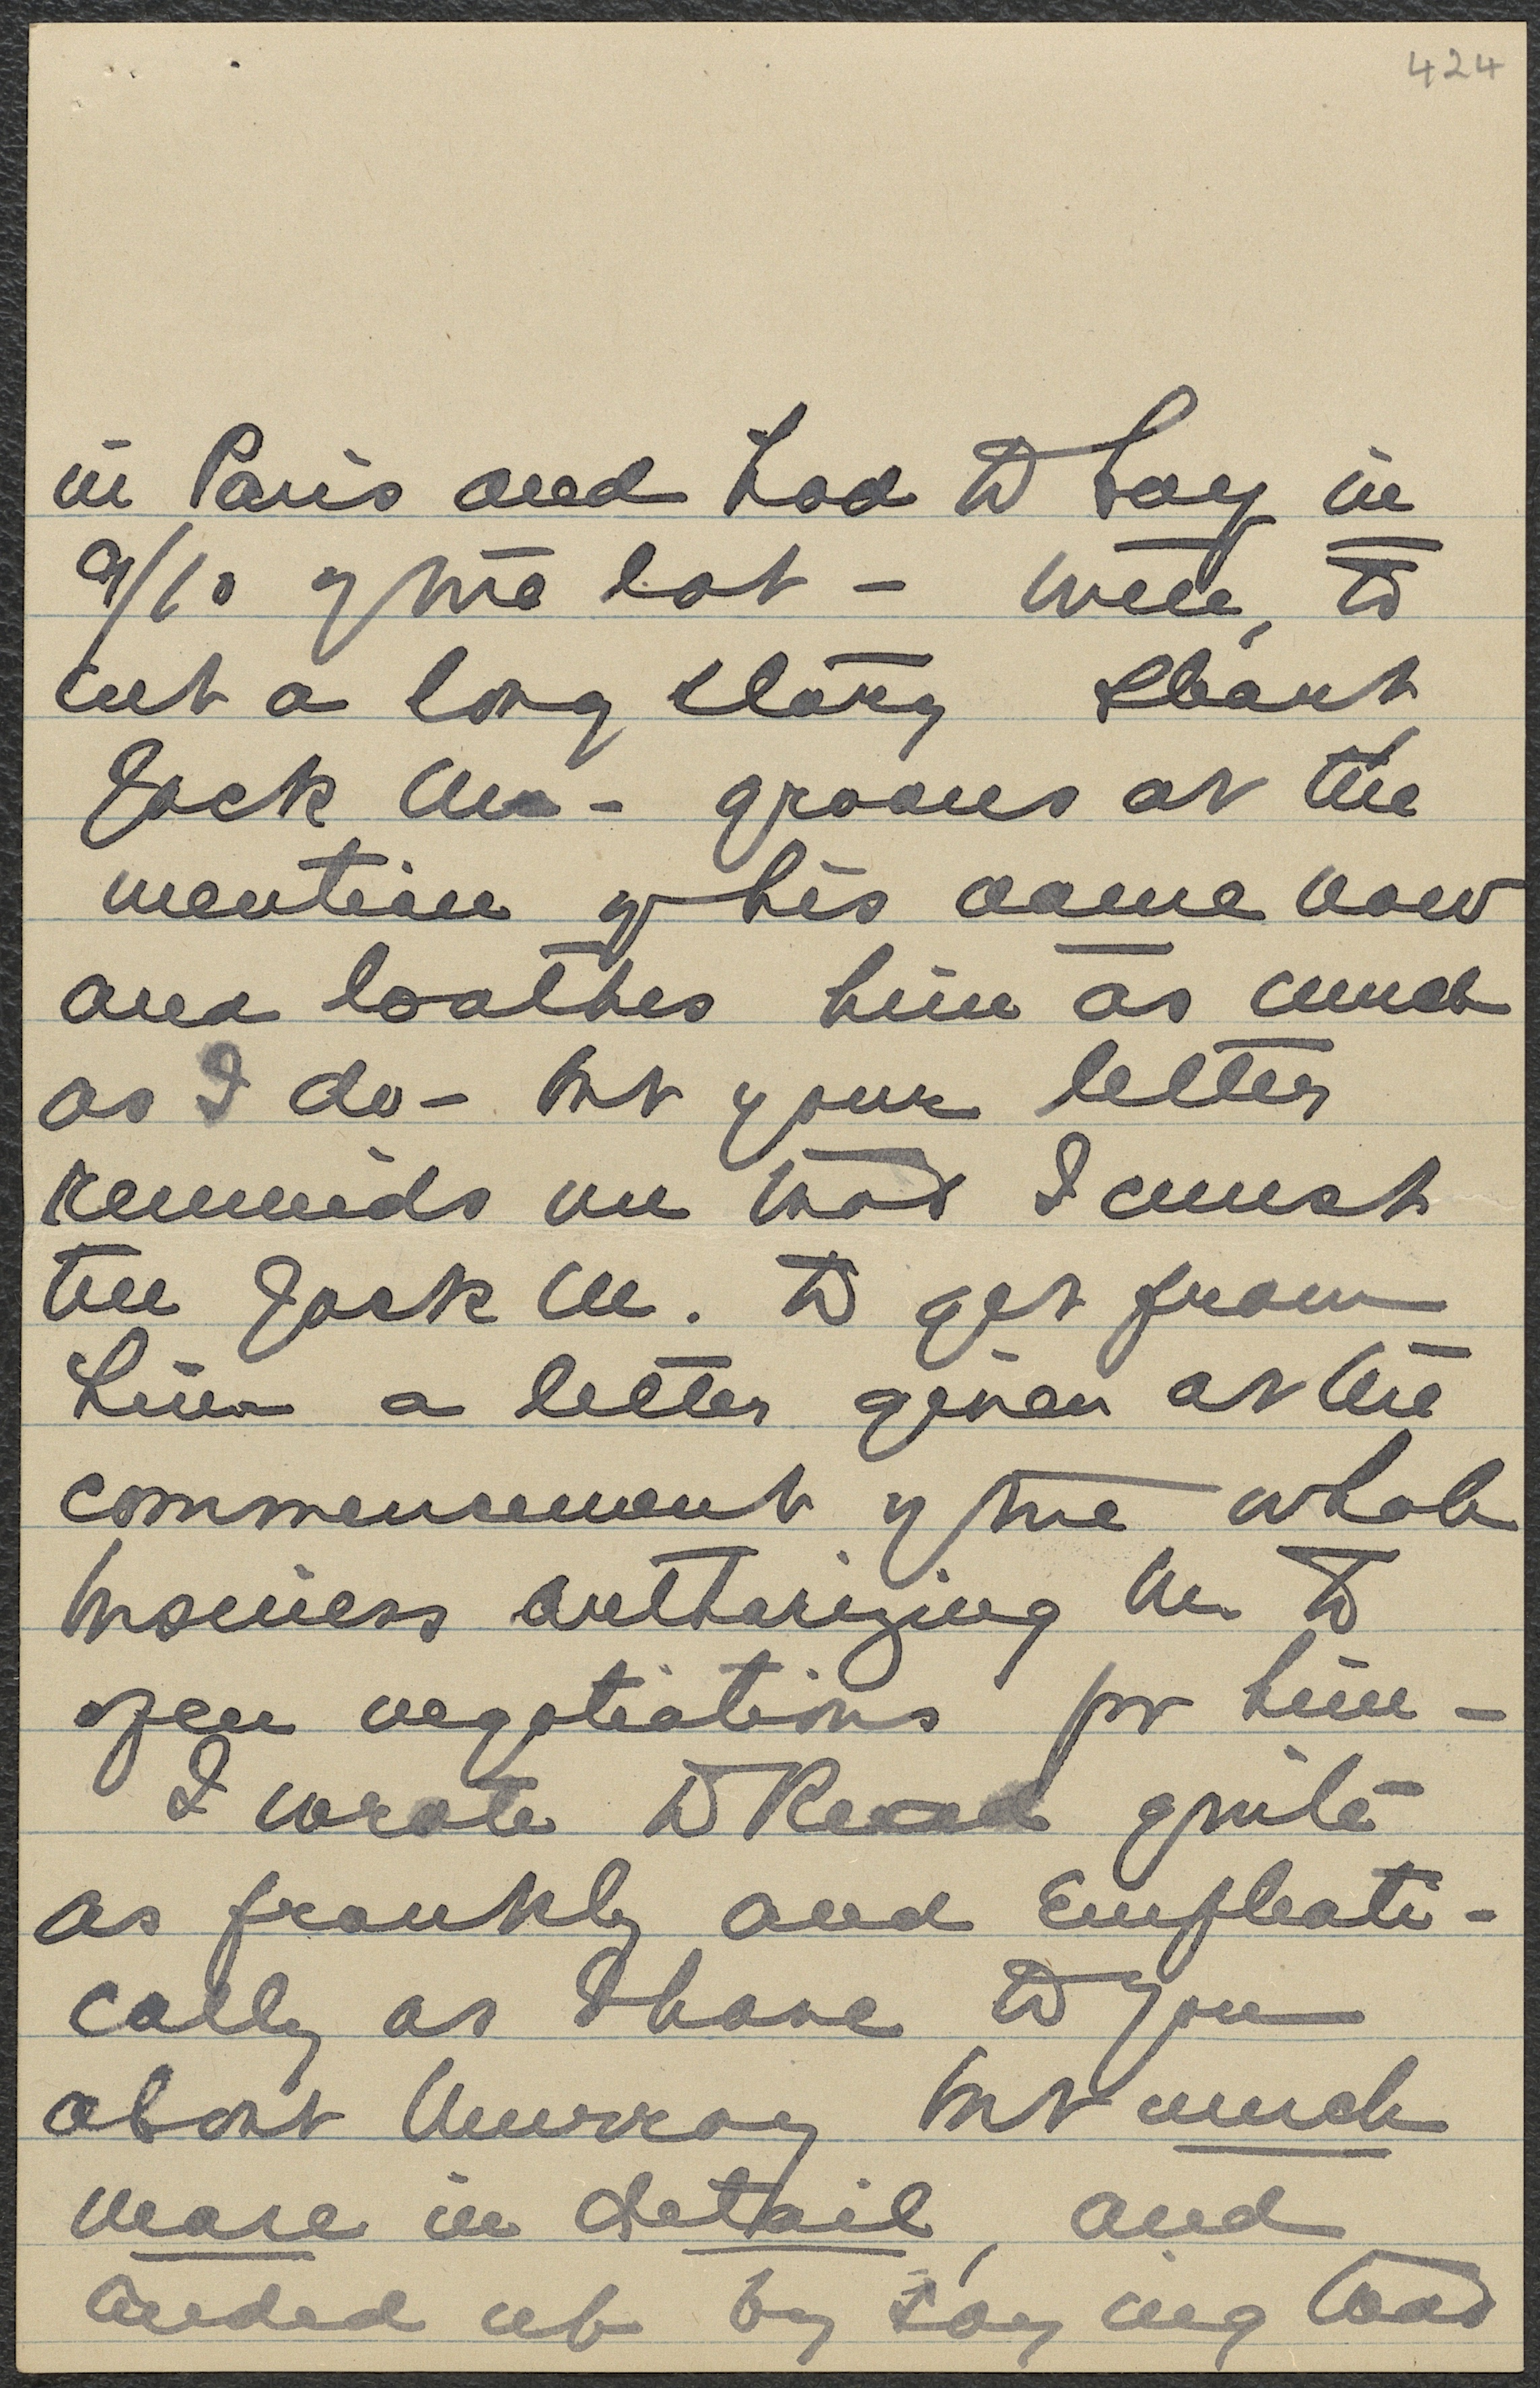in Paris and had to buy in 9/10 of the lot – well, to cut a long story short Jack M – groans at the mention of his name now and loathes him as much as I do – but your letter reminds me that I must tell Jack M. to get from him a letter given at the commencement of the whole business authorizing M. to open negotiations for him –
I wrote to Read quite as frankly and emphatically as I have to you about Murray but much more in detail, and ended up by saying that